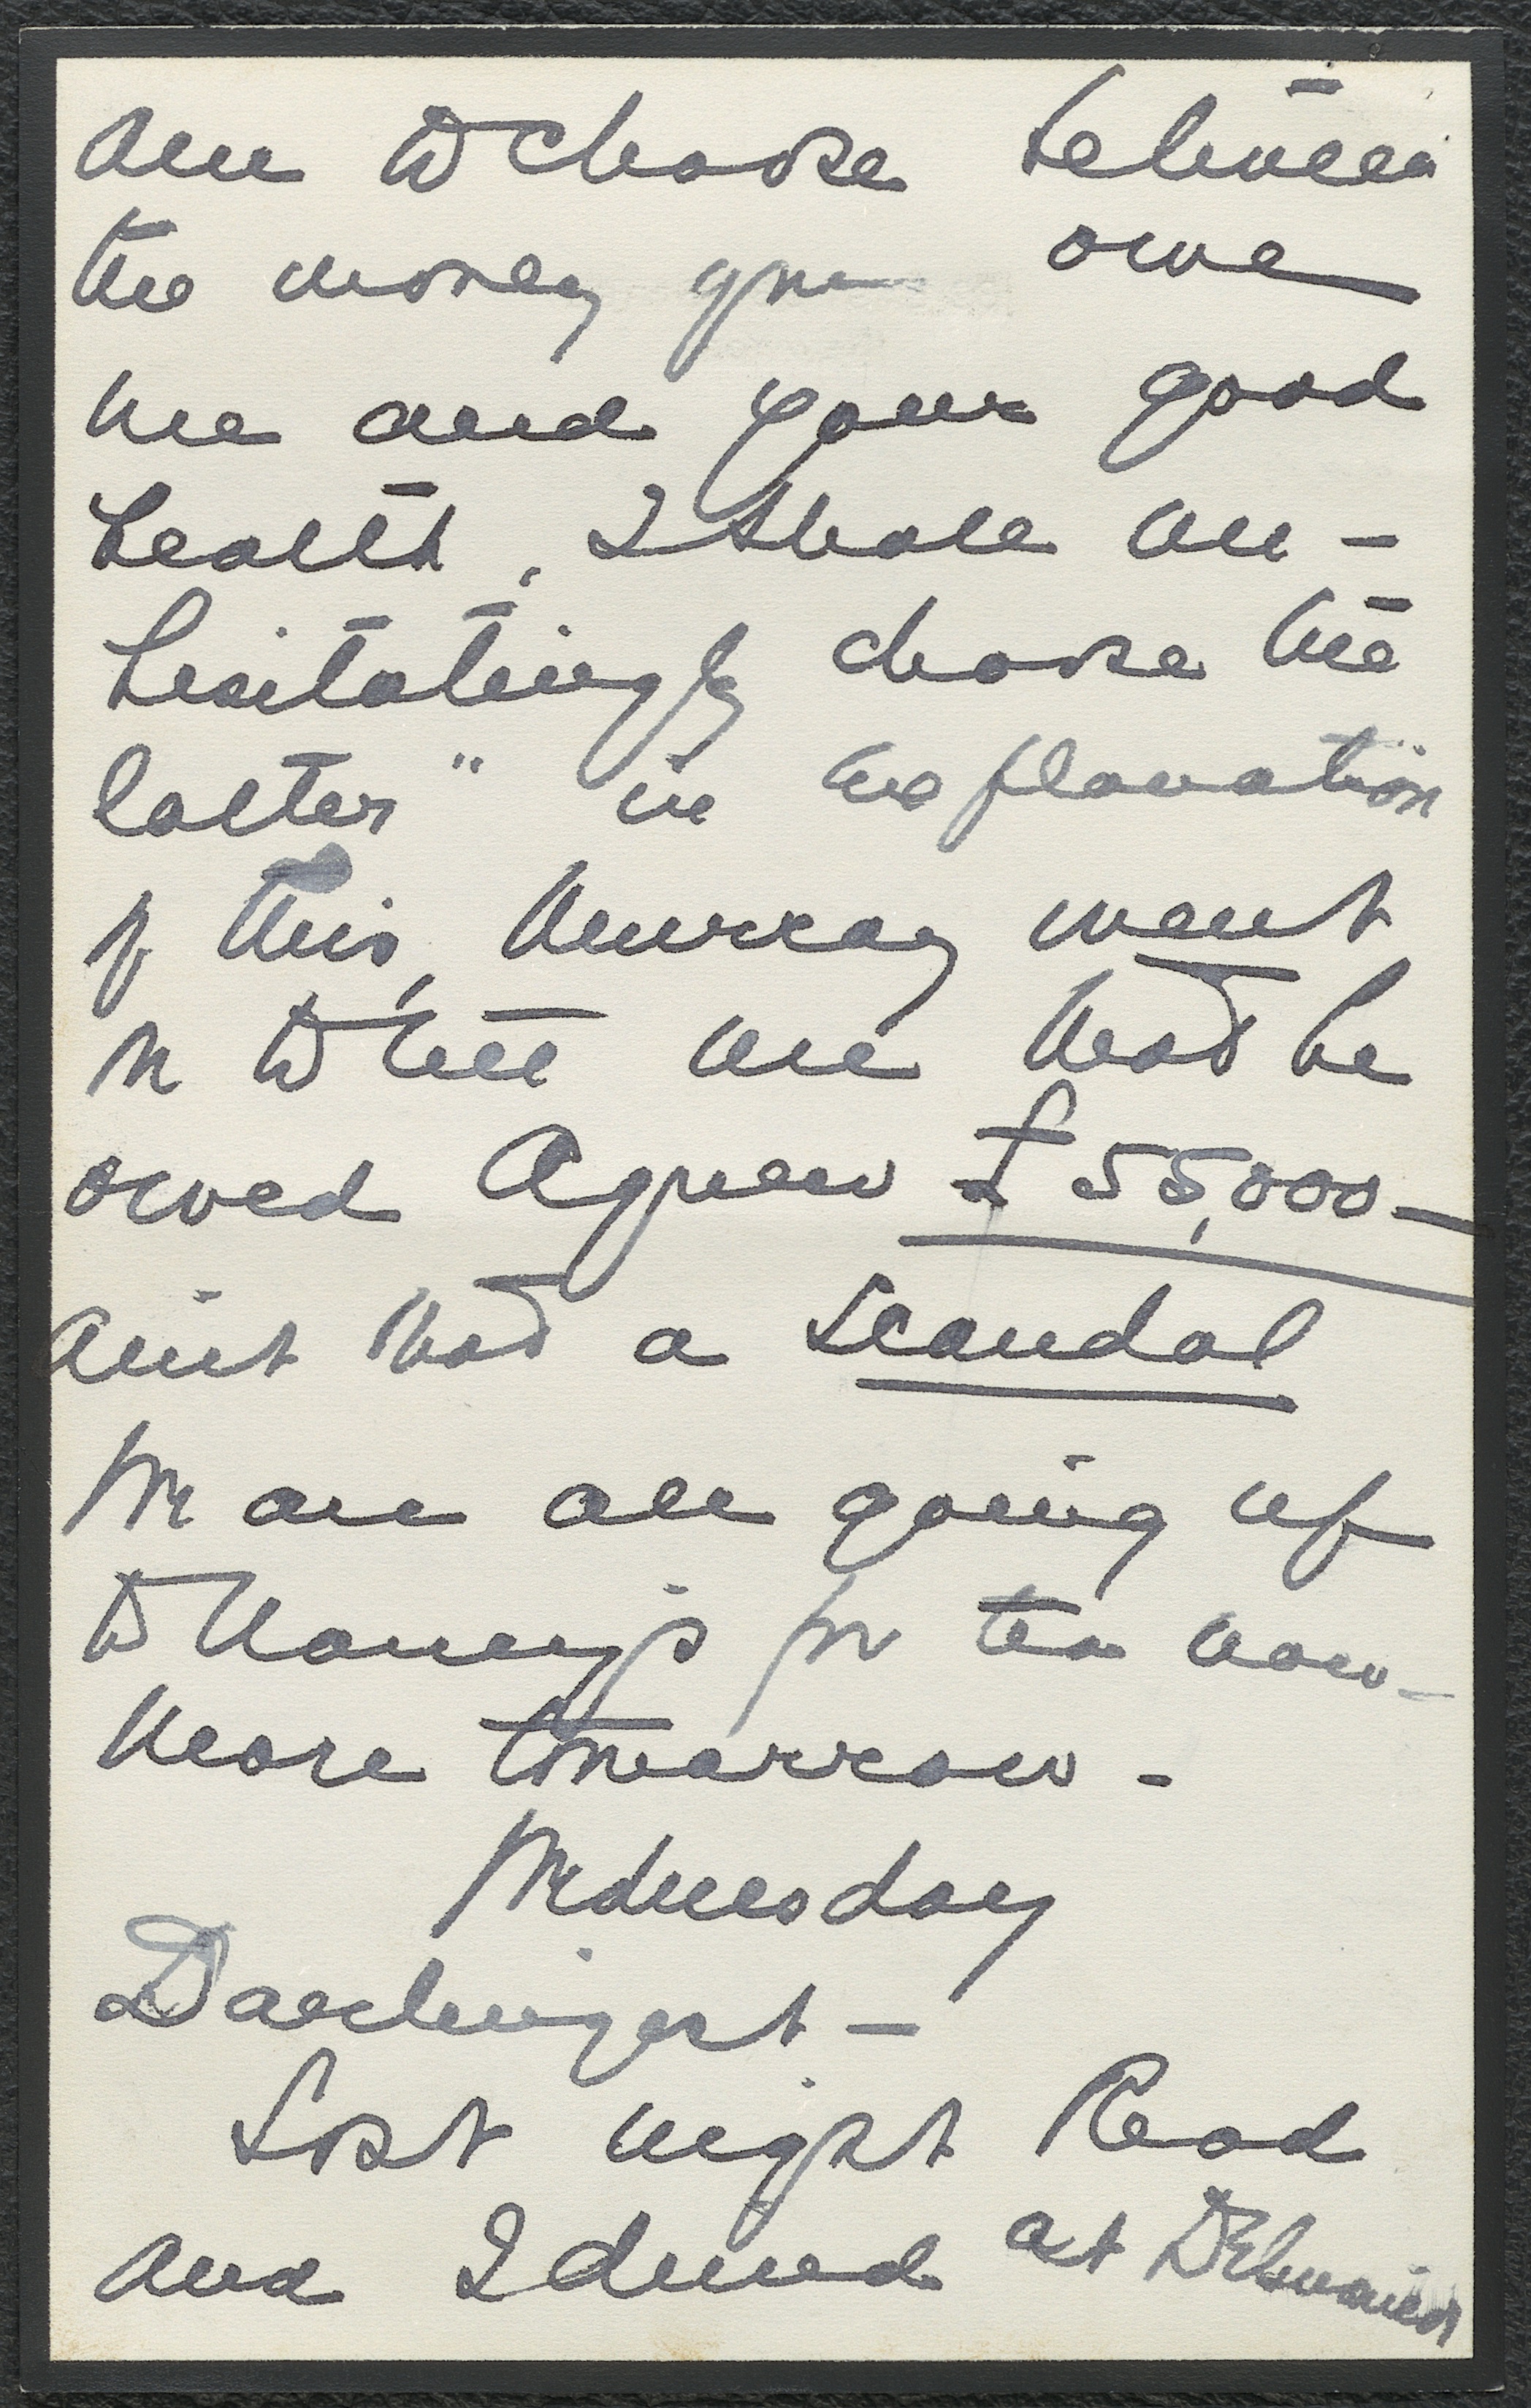am to choose between the money you owe me and your good health, I shall unhesitatingly choose the latter” in explanation of this, Murray went on to tell me that he owed Agnew £55,000 – aint that a scandal
We are all going up to Nancy’s for tea now – more tomorrow –
Wednesday
Darlingest –
Last night Read and I dined at Delevain